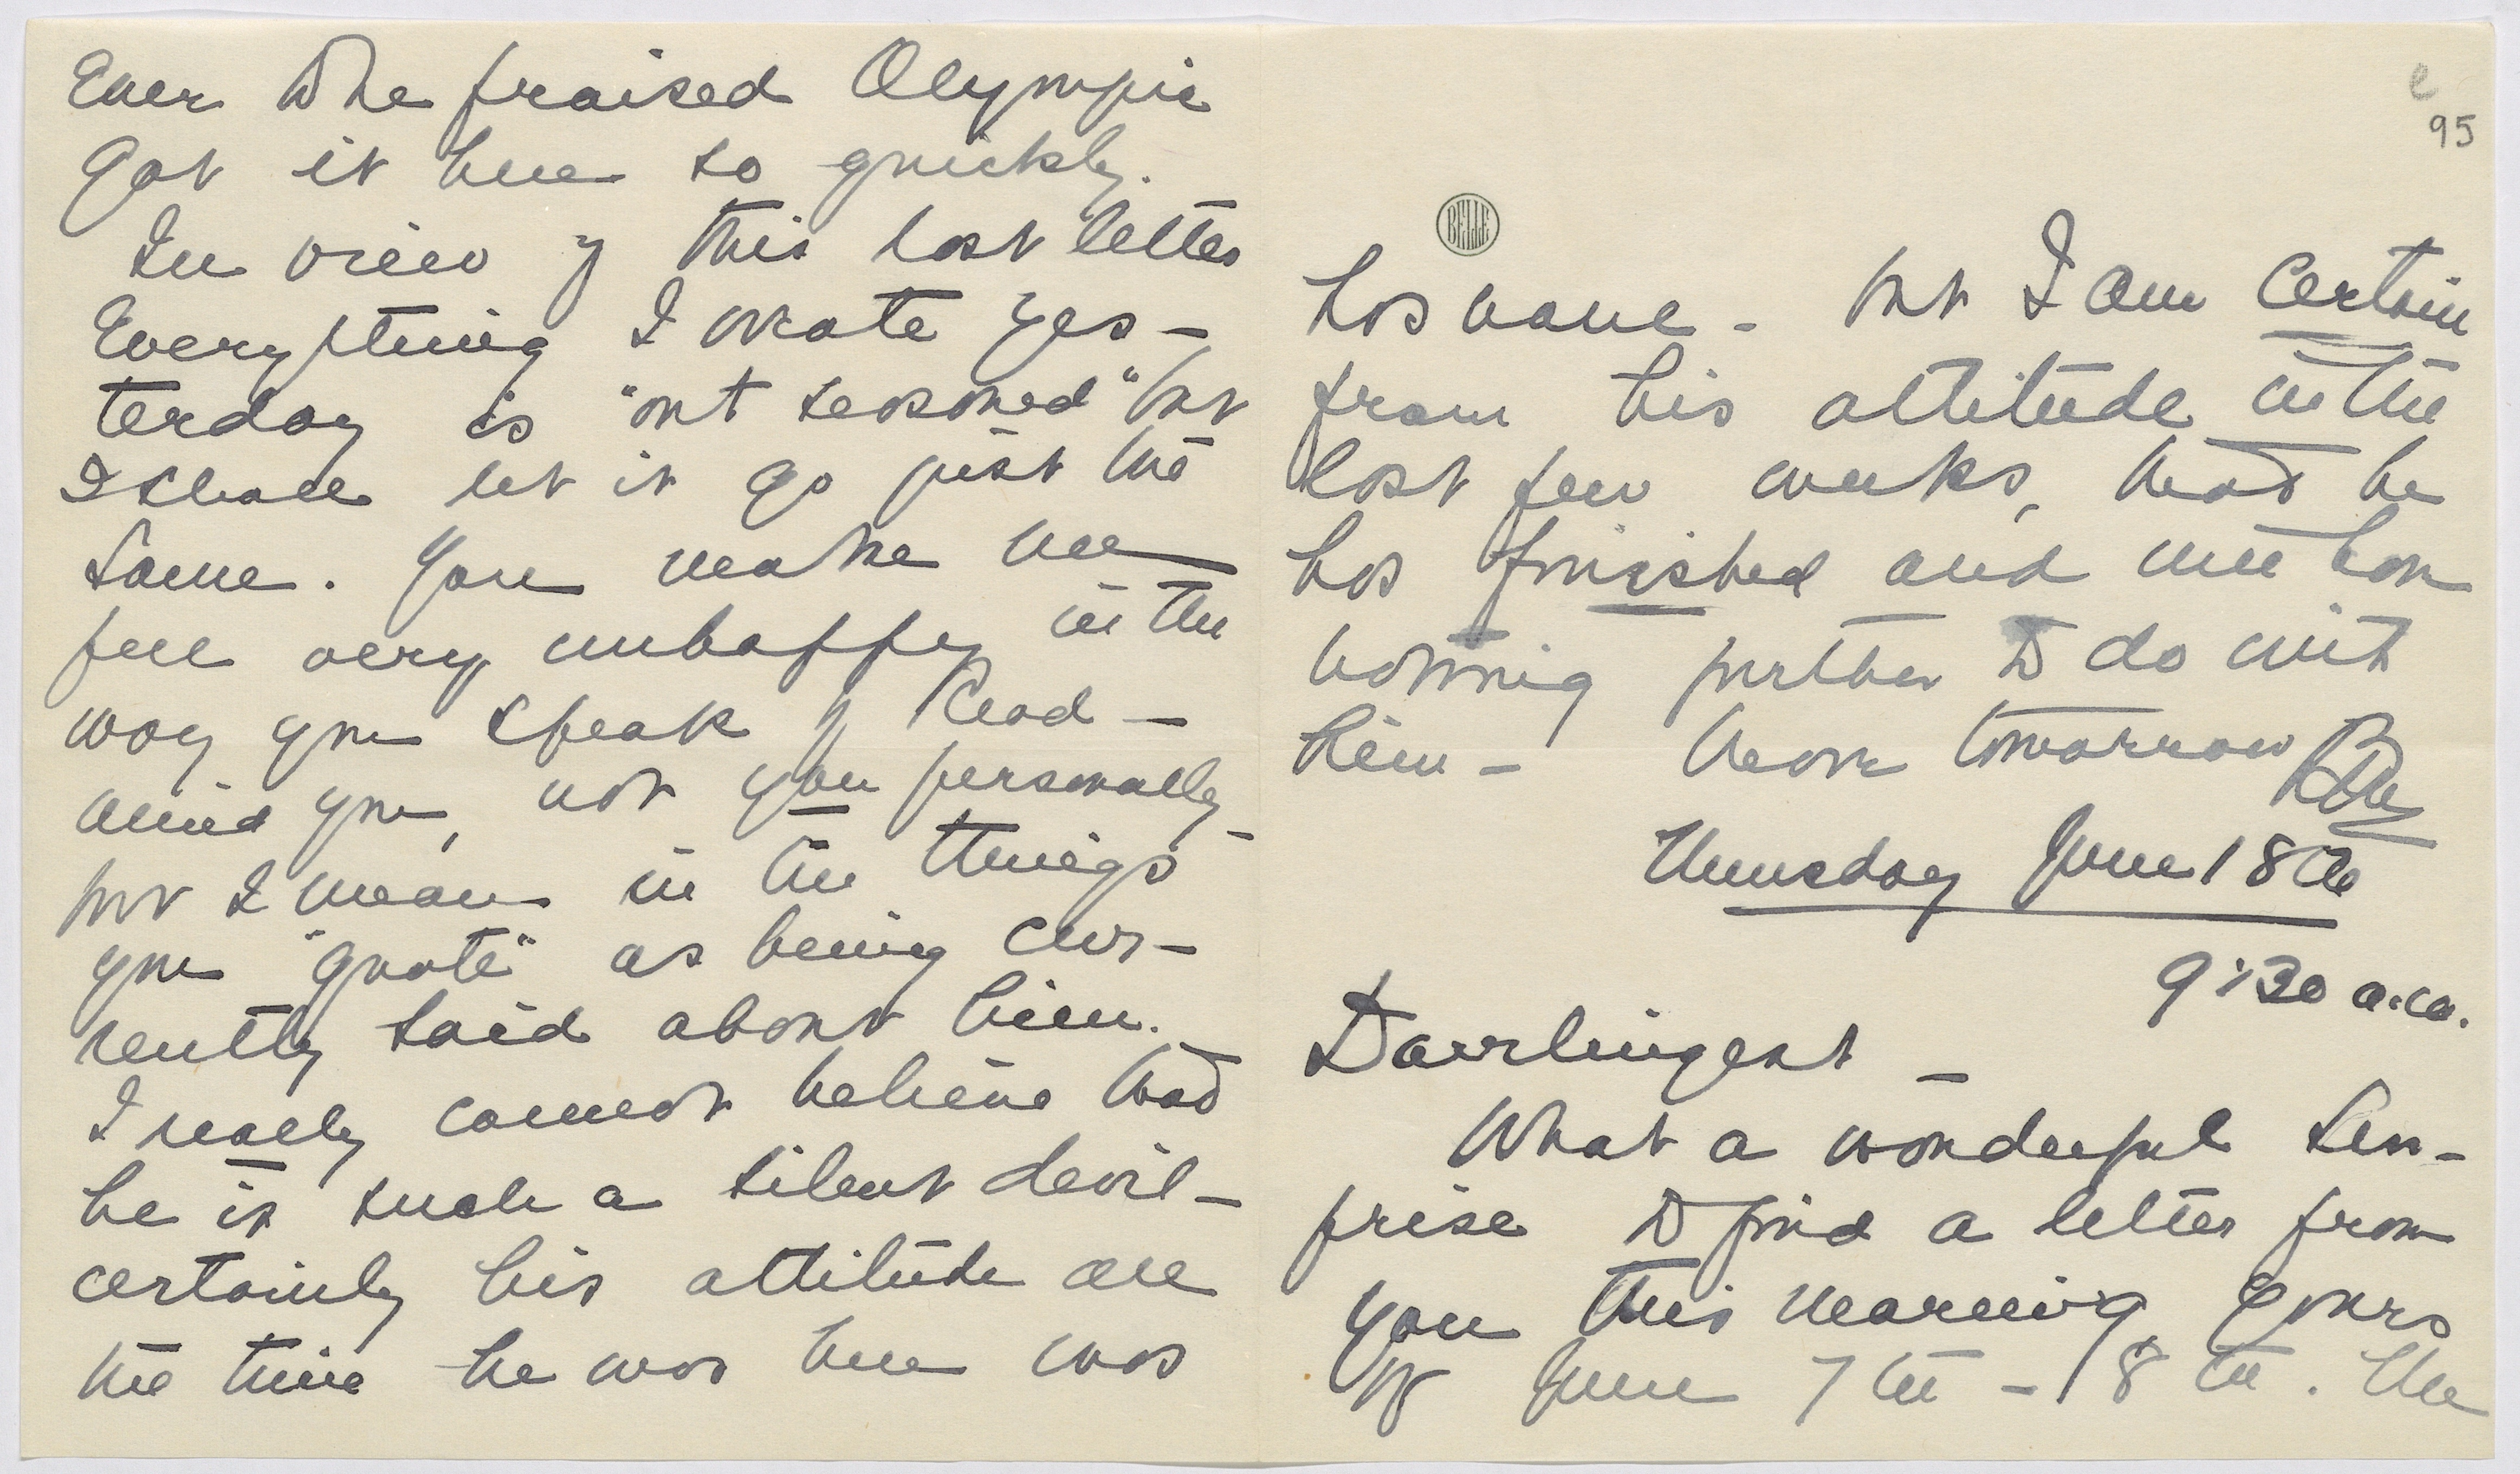has none – but I am certain from his attitude in the last few weeks, that he has finished and will have nothing further to do with him – more tomorrow Belle
Thursday, June 18th
9:30 a.m.
Darlingest –
What a wonderful surprise to find a letter from you this morning, yours of June 7th–8th. The
ever to be praised Olympia got it here so quickly. In view of this last letter everything I wrote yesterday is “out seasoned” but I shall let it go just the same. You make me feel very unhappy in the way you speak of Read – mind you, not you personally – but I mean in the things you “quote” as being currently said about him. I really cannot believe that he is such a silent devil – certainly his attitude all the time he was here was